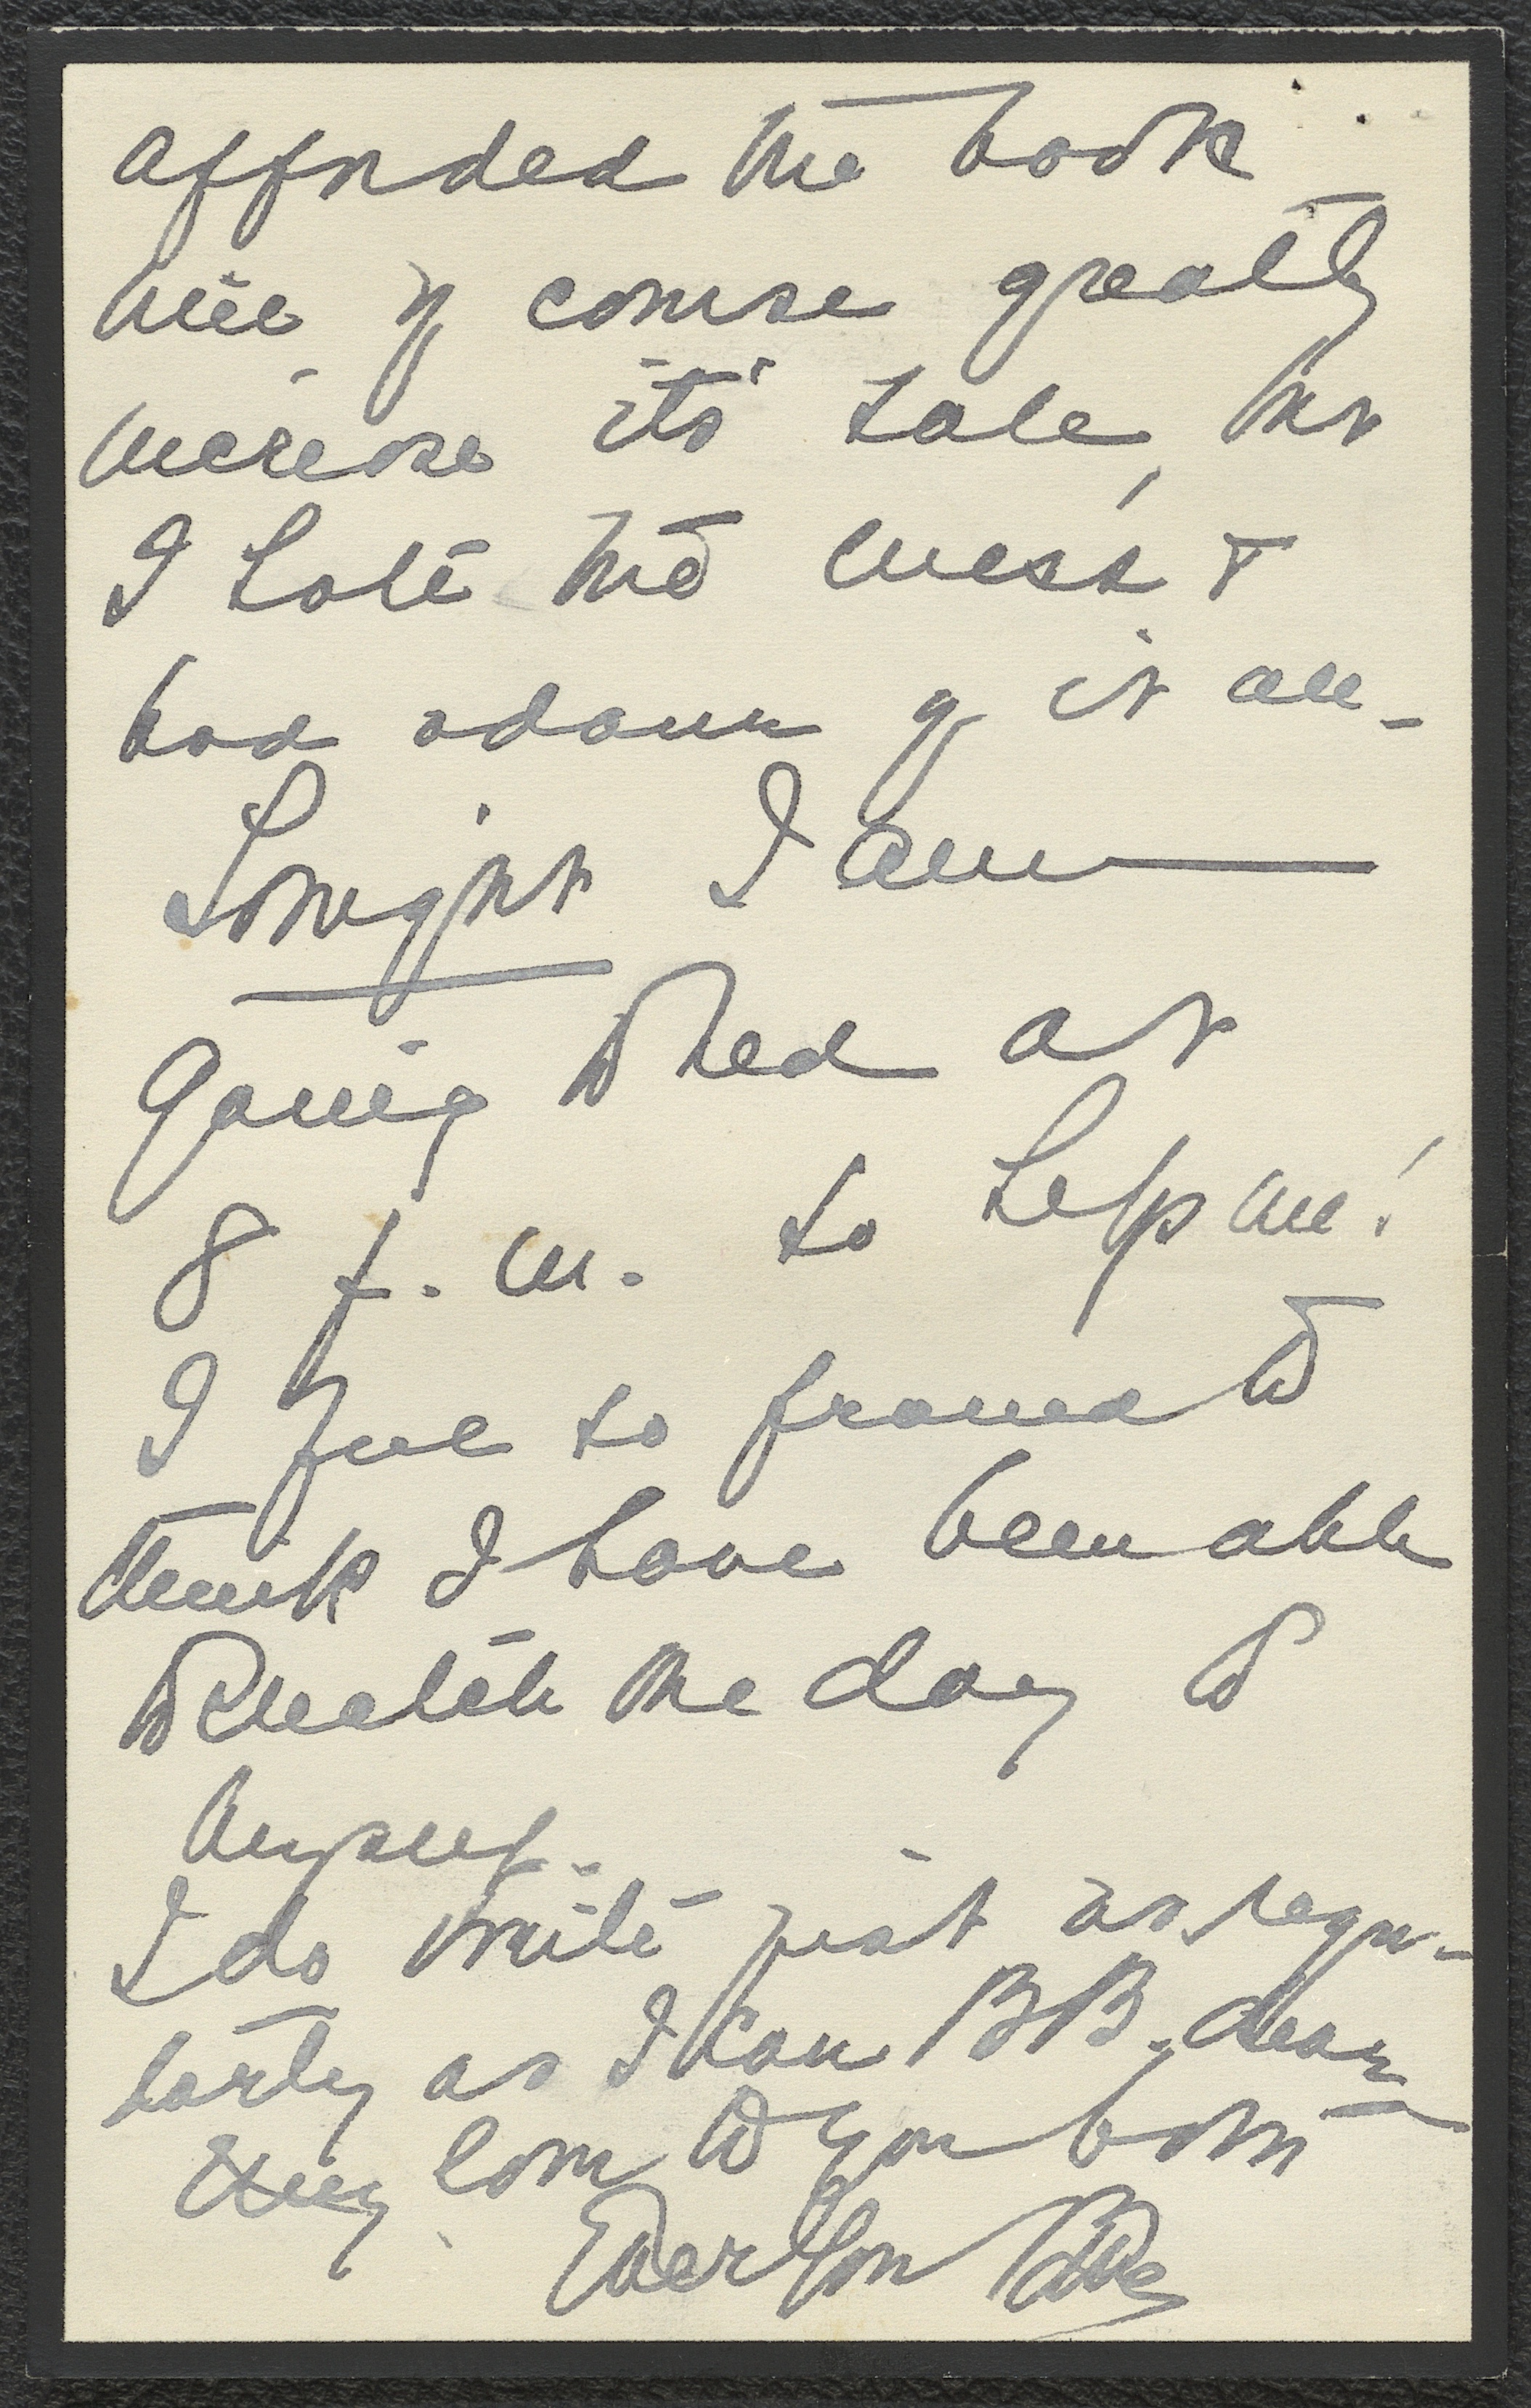afforded the book will of course greatly increase it’s [sic] sale, but I hate the mess & bad odour of it all –
Tonight I am going to bed at 8 p.m. so help me! I feel so proud to think I have been able to snatch one day to myself –
I do write just as regularly as I can B.B. dear
My love to you both
Ever Your Belle